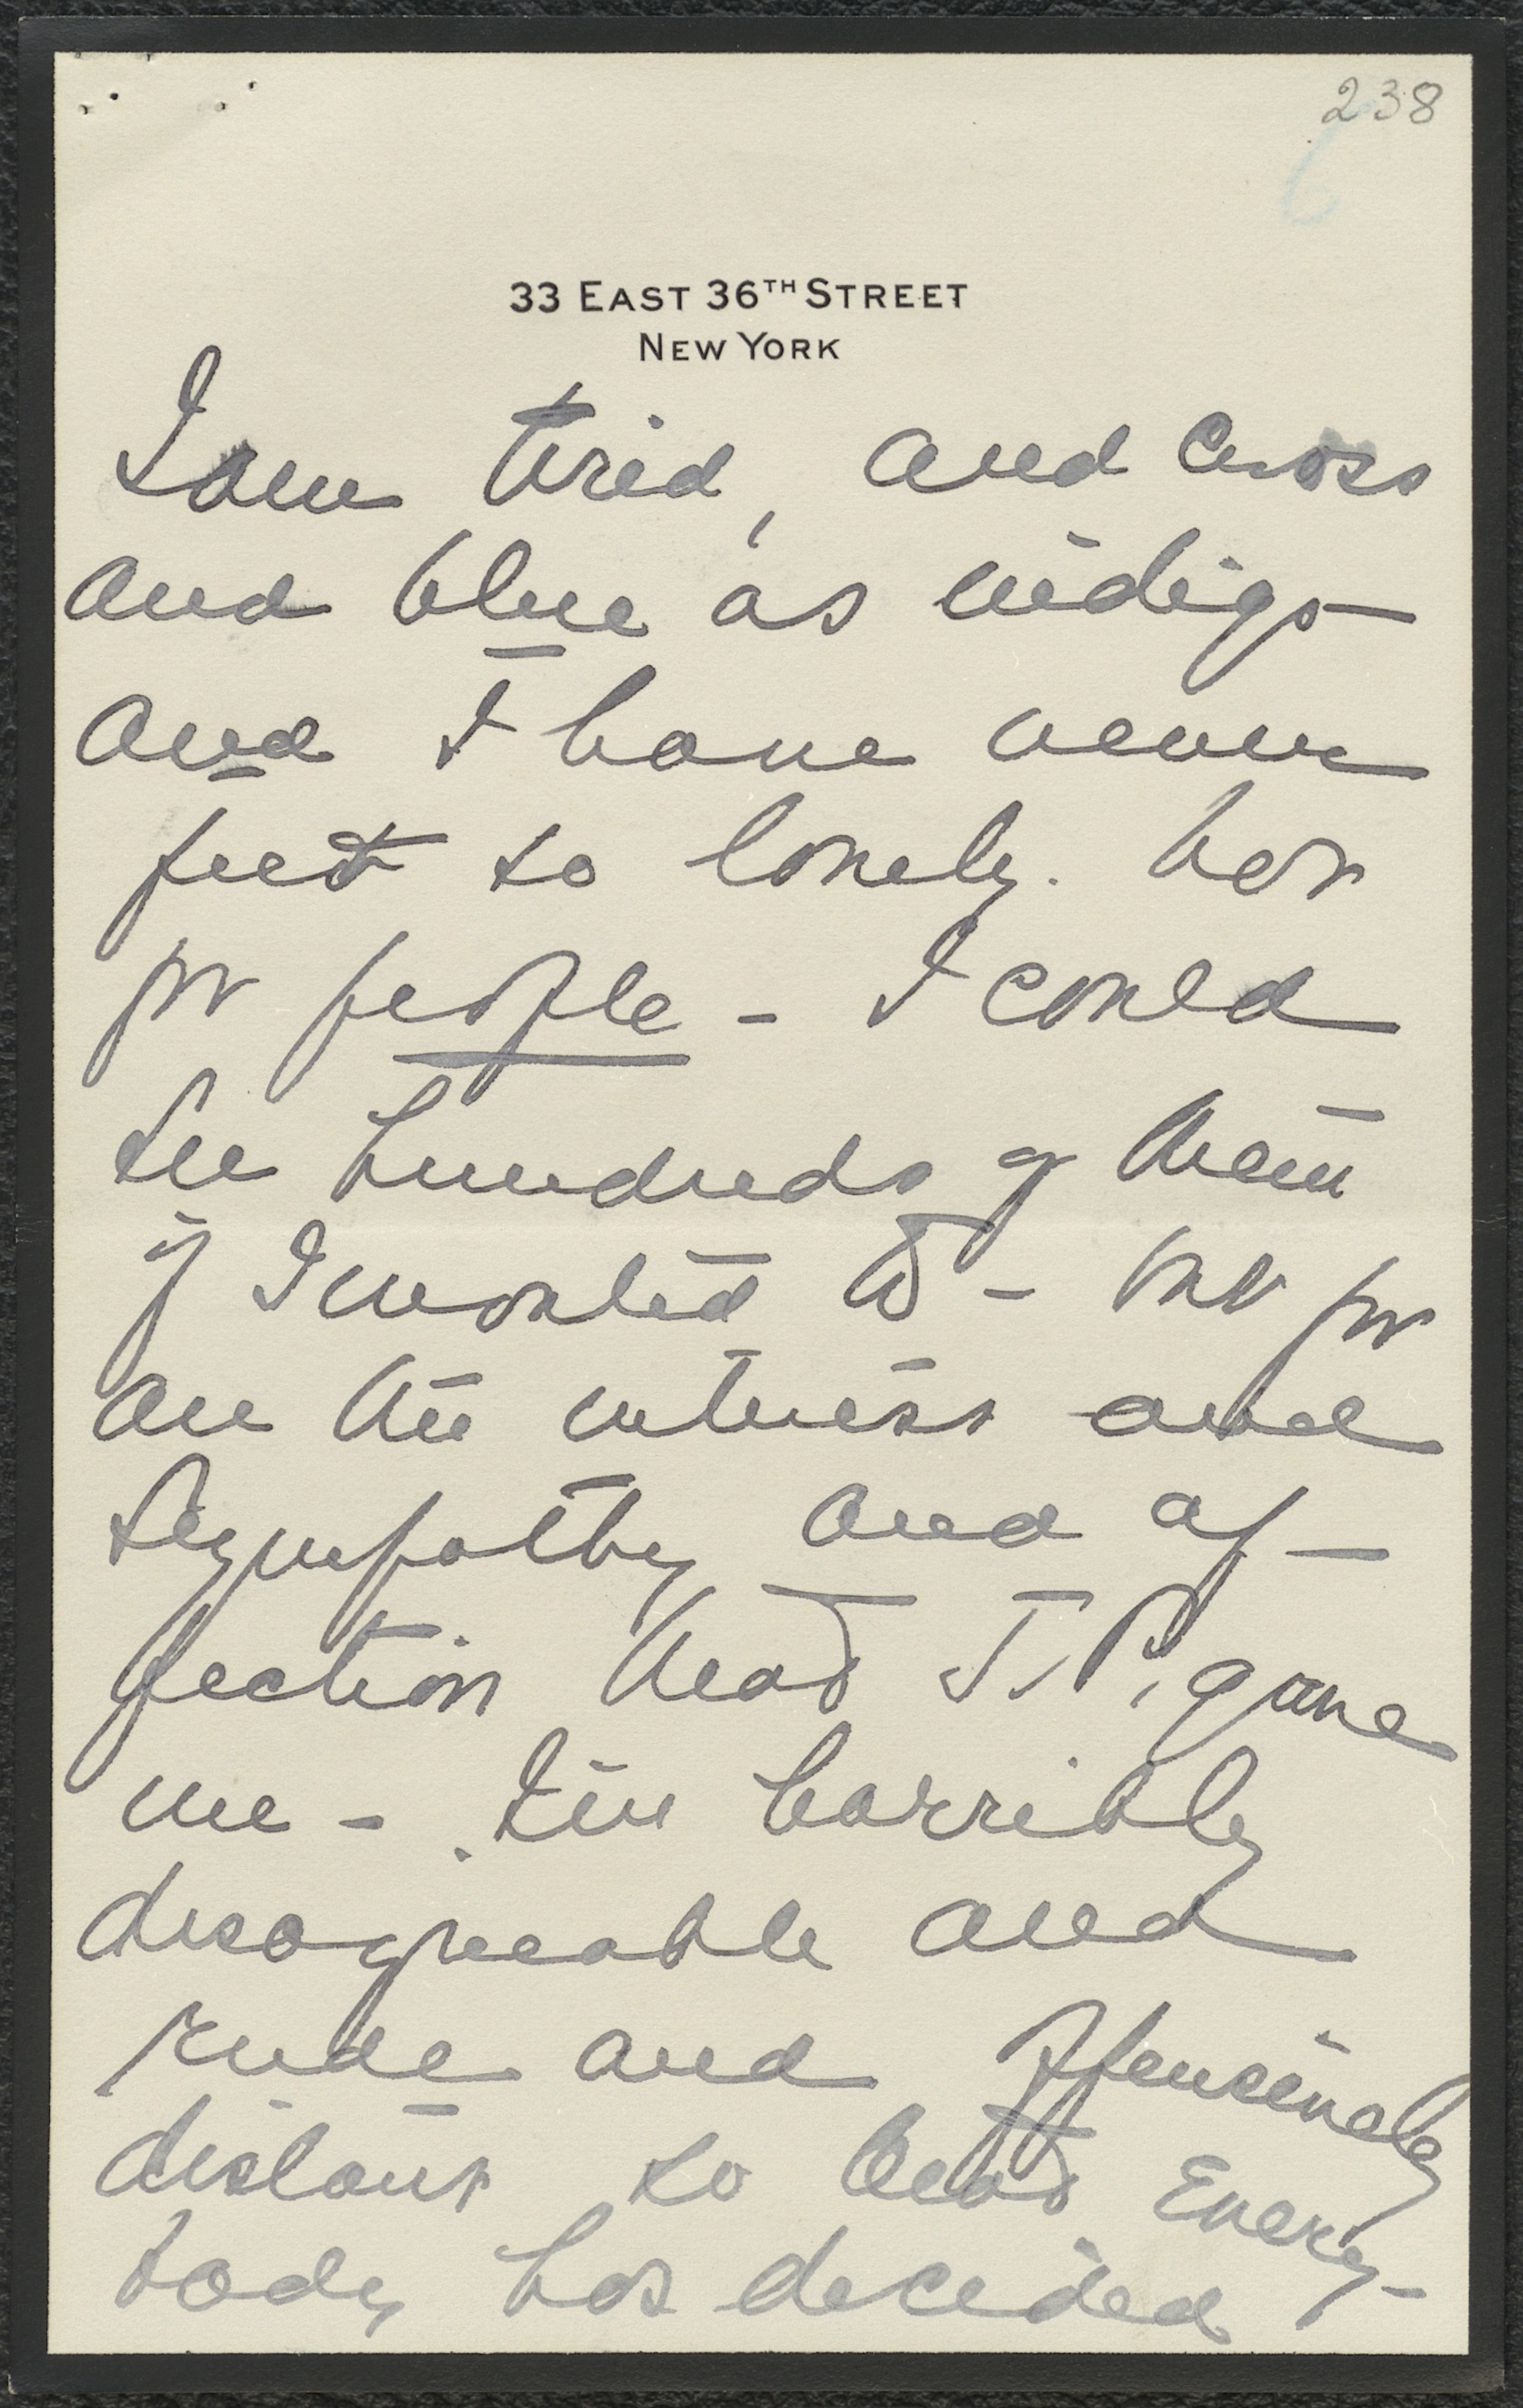I am tired, and cross and blue as indigo – and I have never felt so lonely. Not for people – I could see hundreds of them if I wanted to – but for all the interest and sympathy and affection that J.P. gave me – I’m horribly disagreeable and rude and offensively distant so that everybody has decided